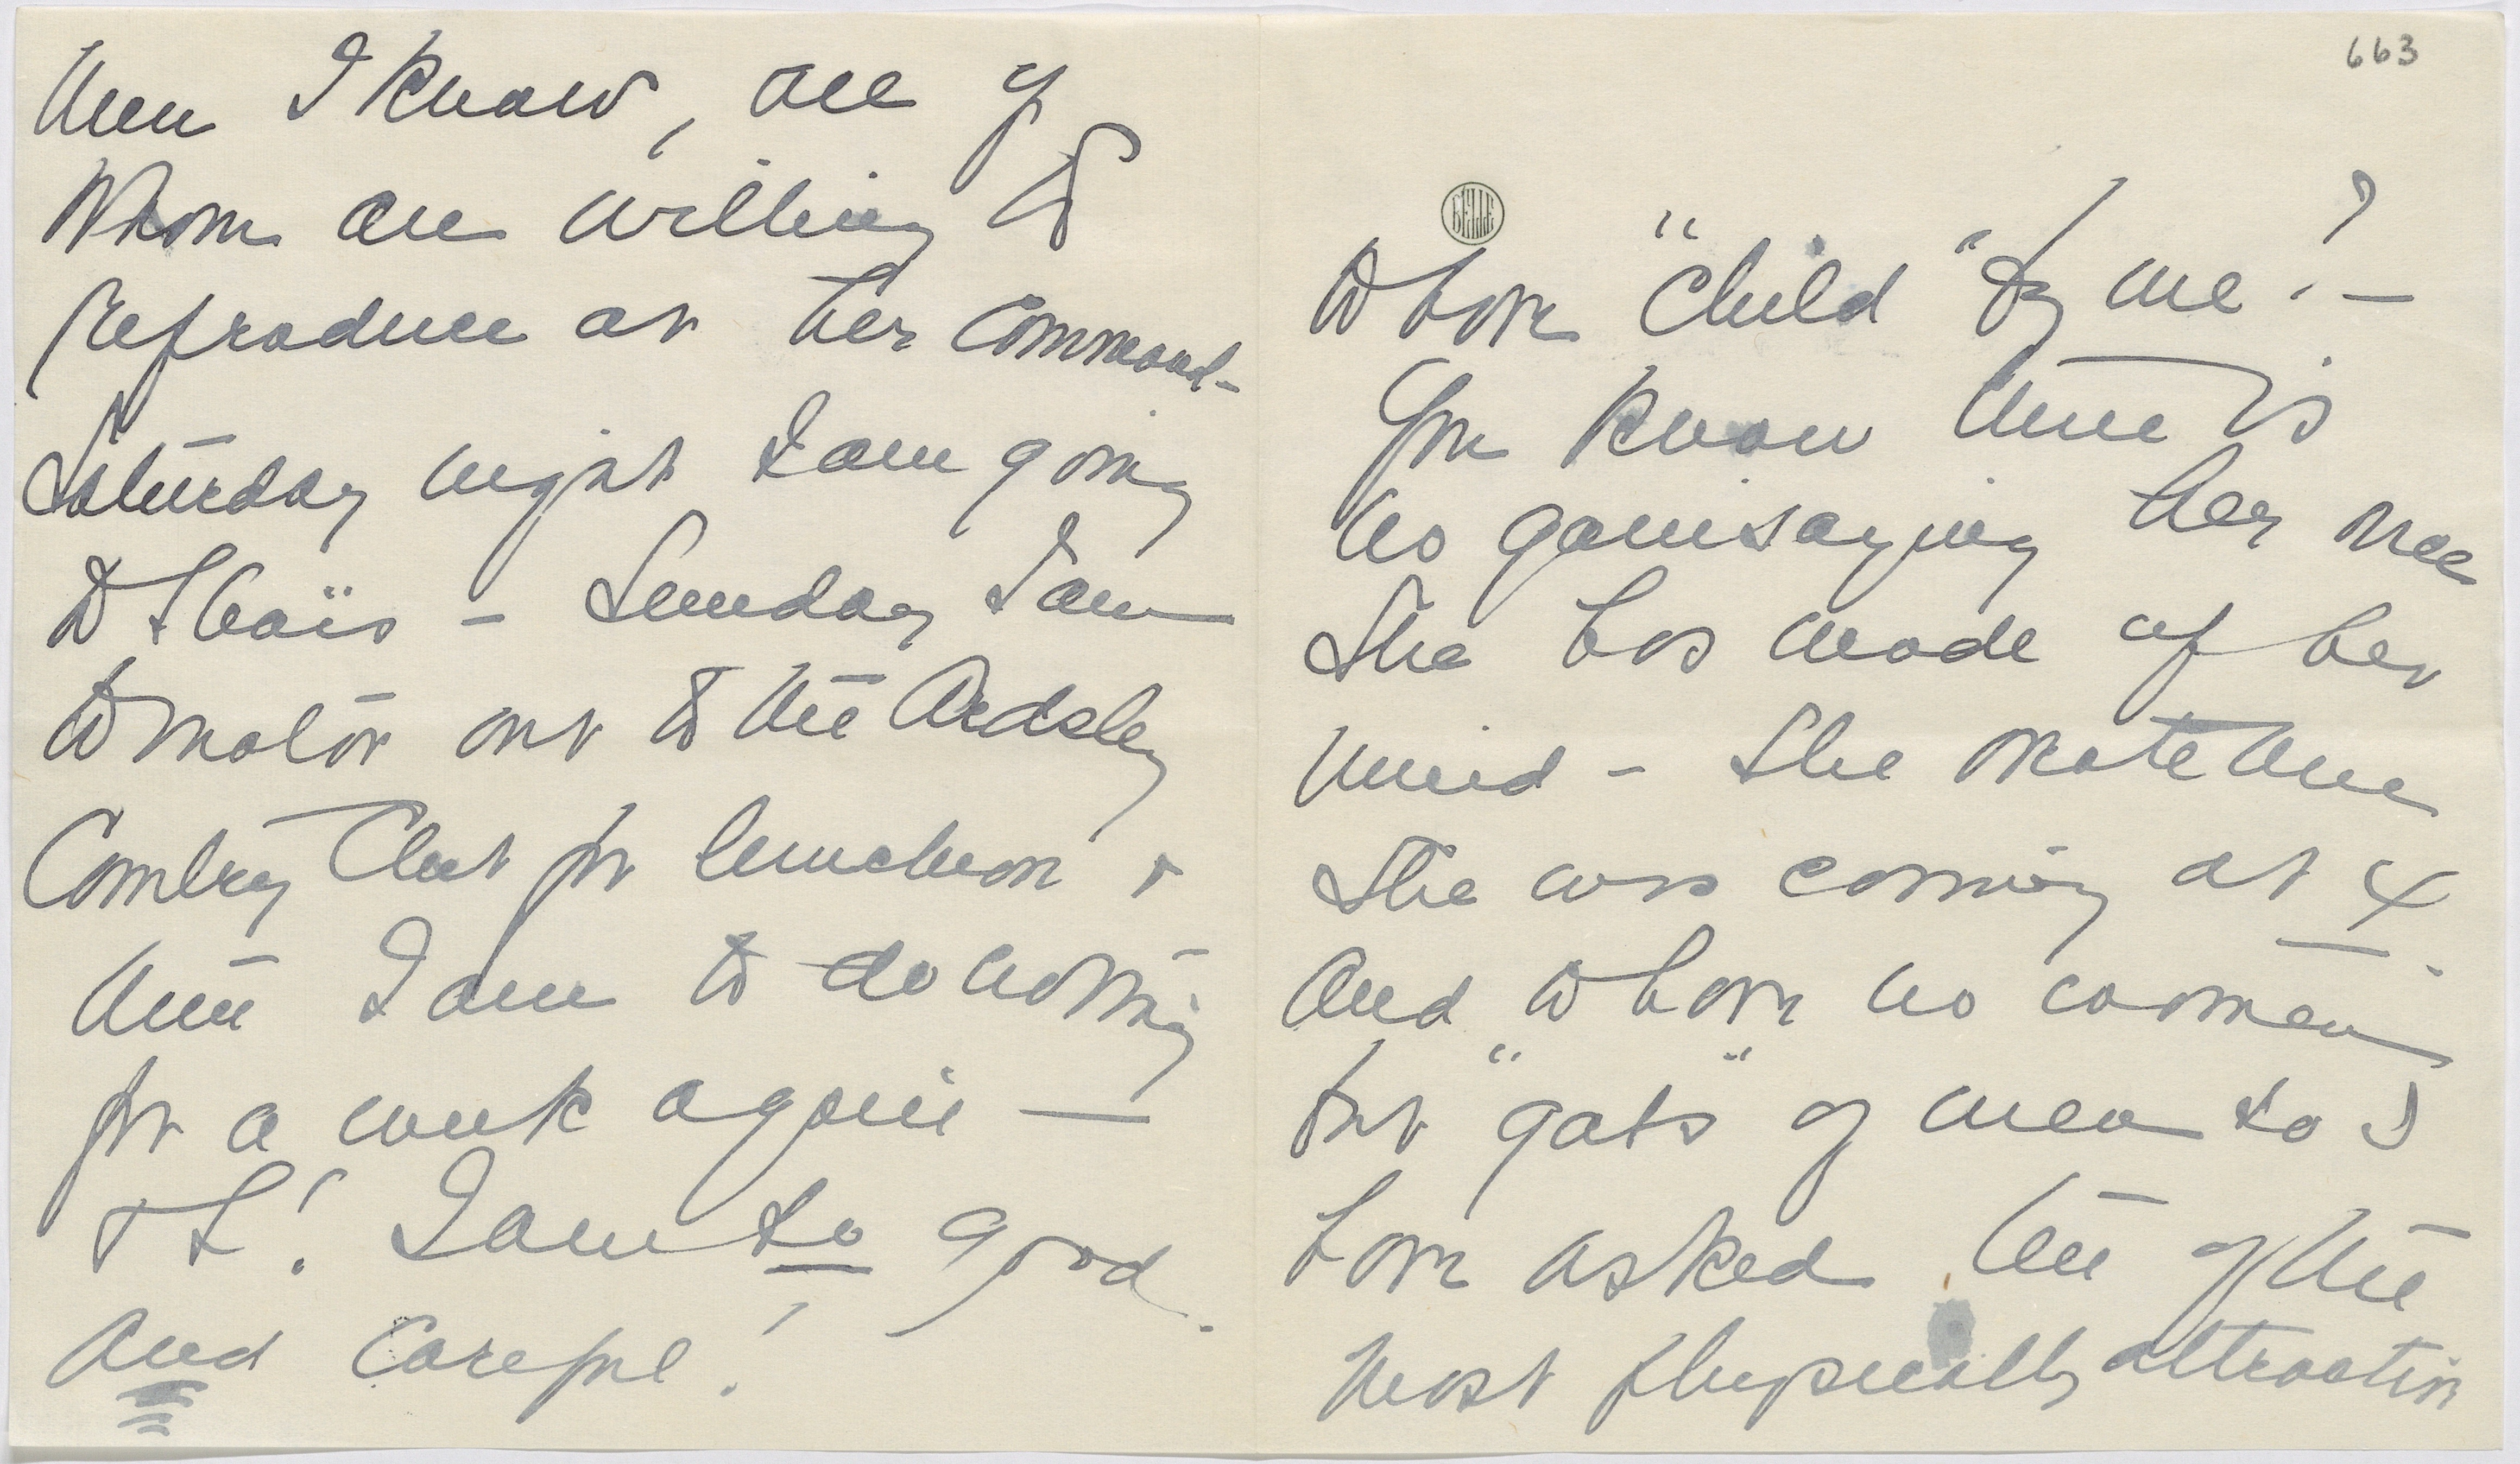to have “child” by me? –
You know there is no gainsaying her once She has made up her mind – she wrote me she was coming at 4. And to have no women but “gobs” of men so I have asked ten of the most physically attractive
Men I know, all of whom are willing to reproduce at her command – Saturday night I am going to Thaïs – Sunday I am to motor out to the Ardsley Country Club for luncheon & then I am to do nothing for a week again –
oh! I am so good [quadruple underlined: and] careful!